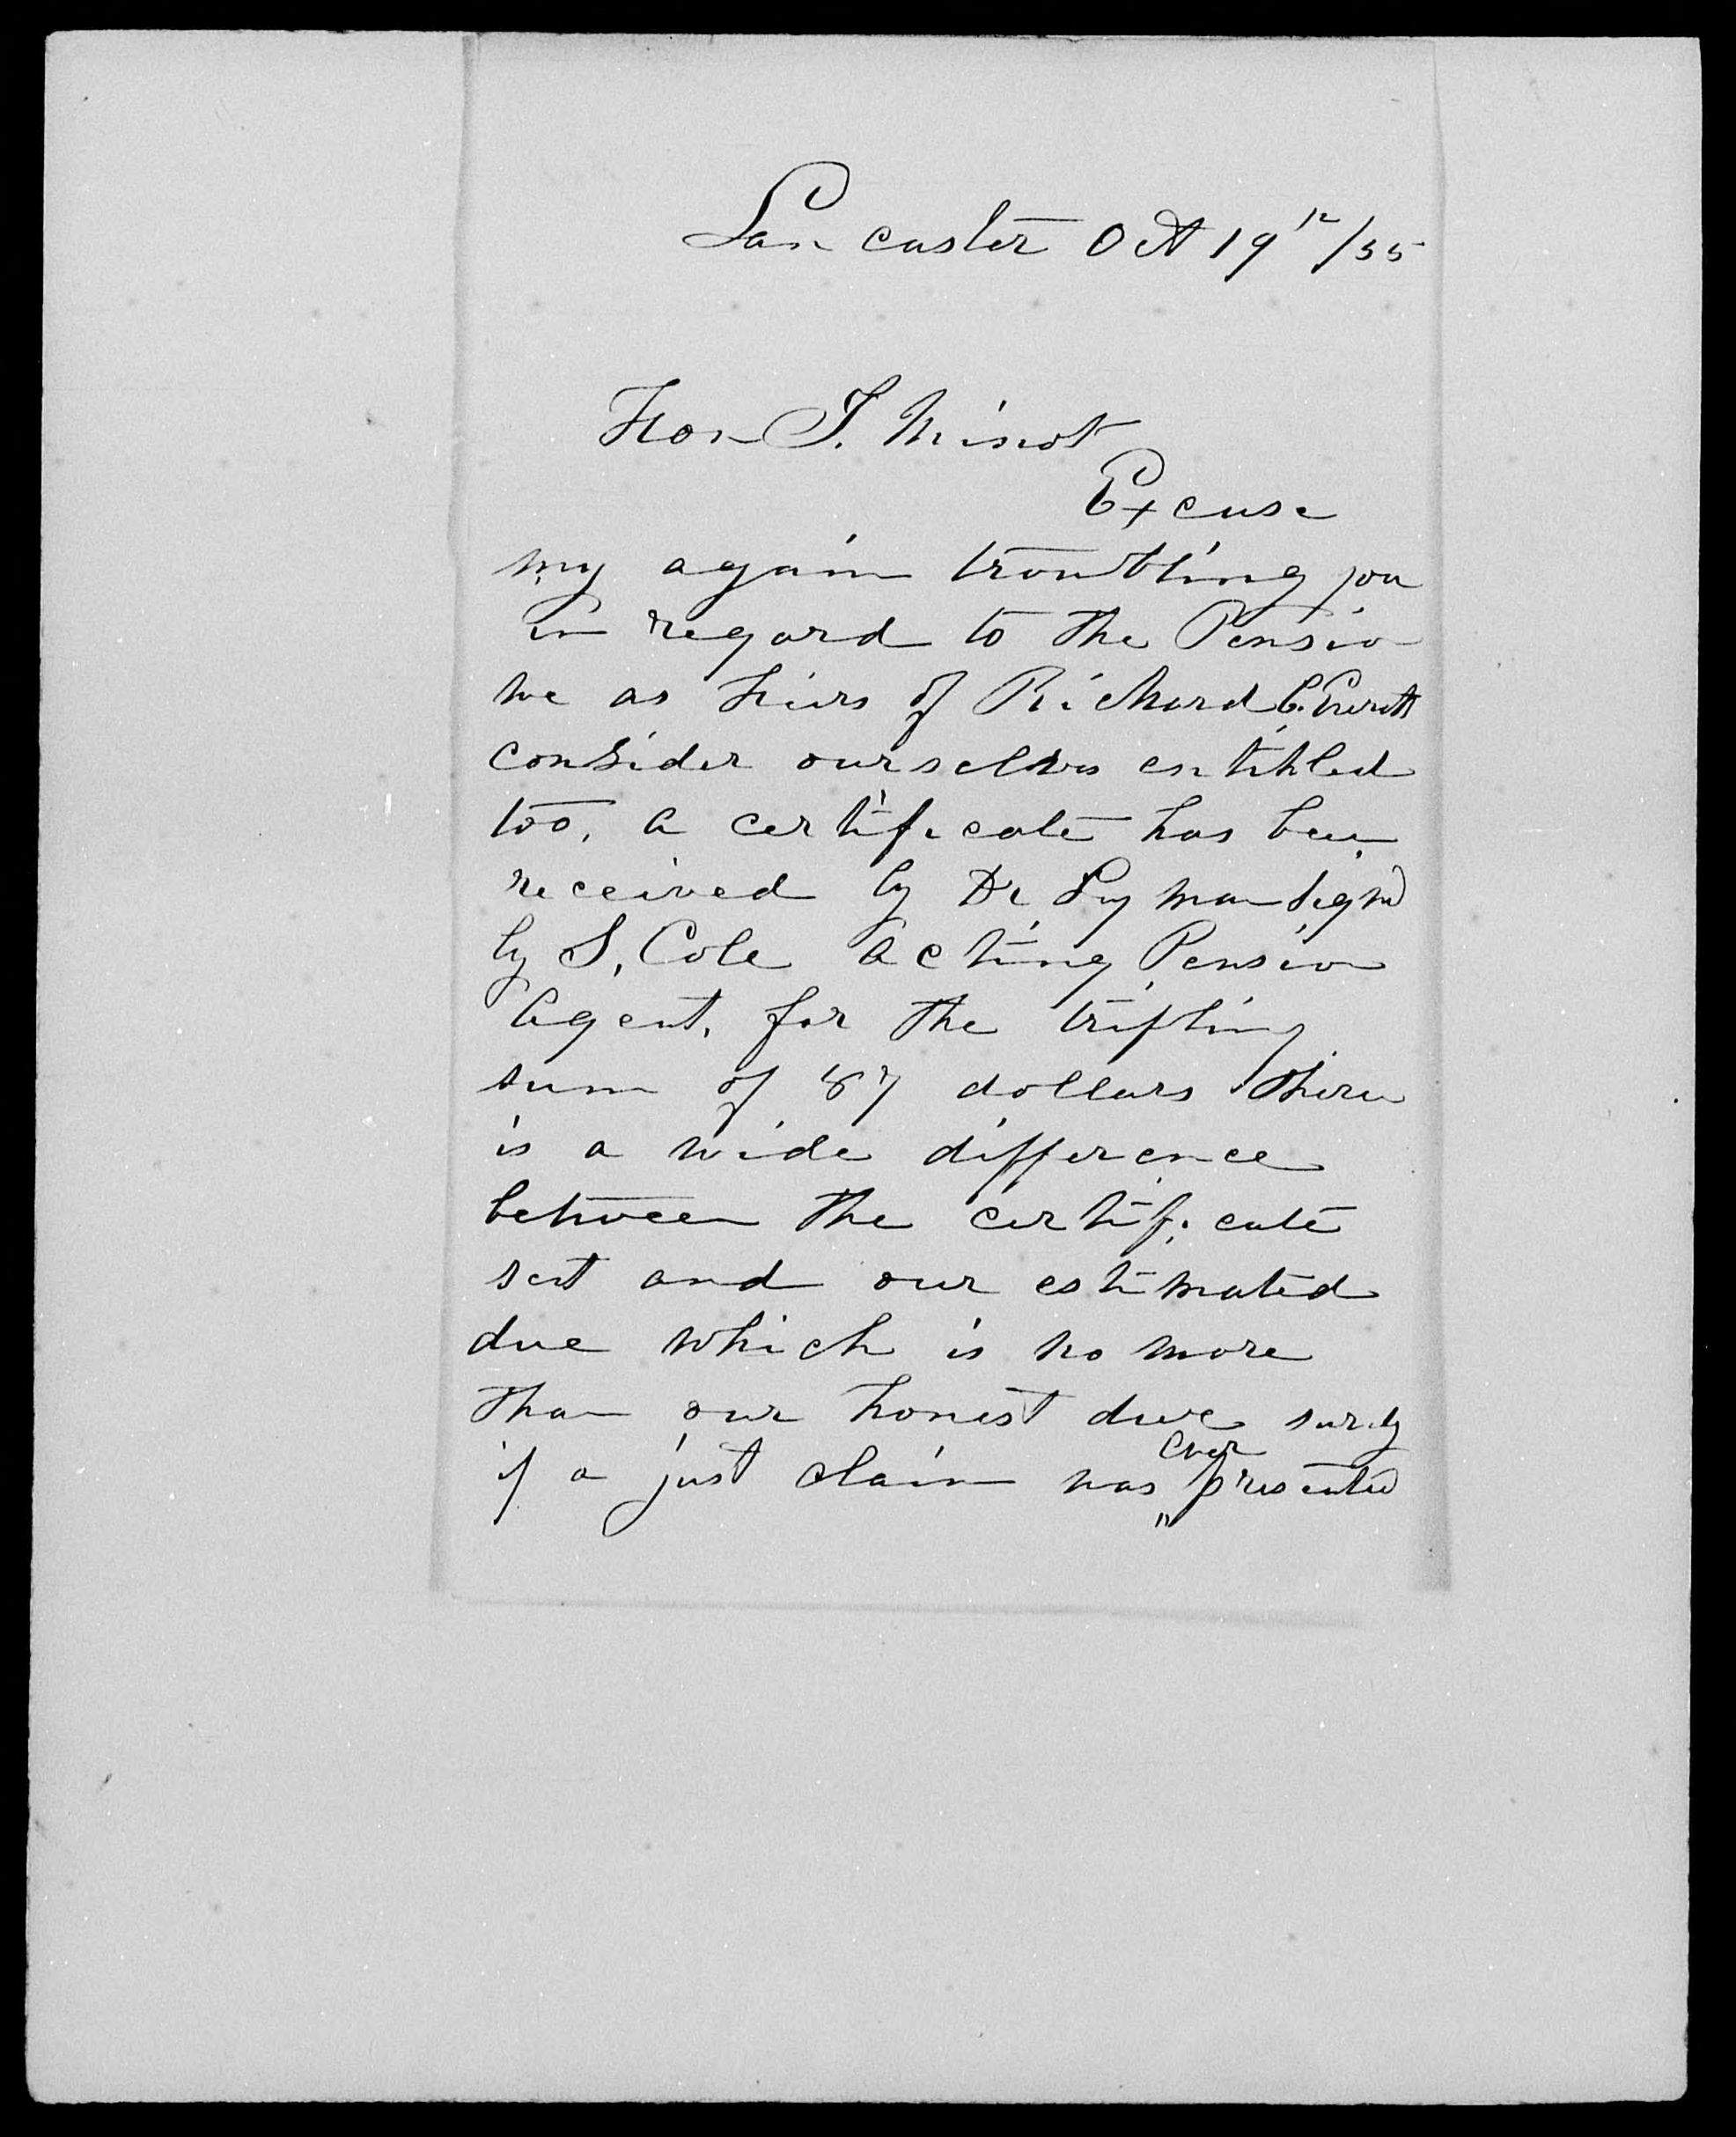Lancaster Oct 19th/55
Hon J. Minot
Excuse my again troubling you in regard to the Pension_ We as heirs of Richard C. Everett consider ourselves entitled too. A certificate has been received by De Lyman signed by S. Cole acting Pension Agent, for the trifling sum of 87 dollars there is a wide difference between the certificate sent and our estimated due which is no more than our honest due surely if a just claim was ever presented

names: S Cole, J Minot, De Lyman, Richard C Everett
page: 24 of 59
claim: widow's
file: W. 23017, Richard Clair Everett, Mass.